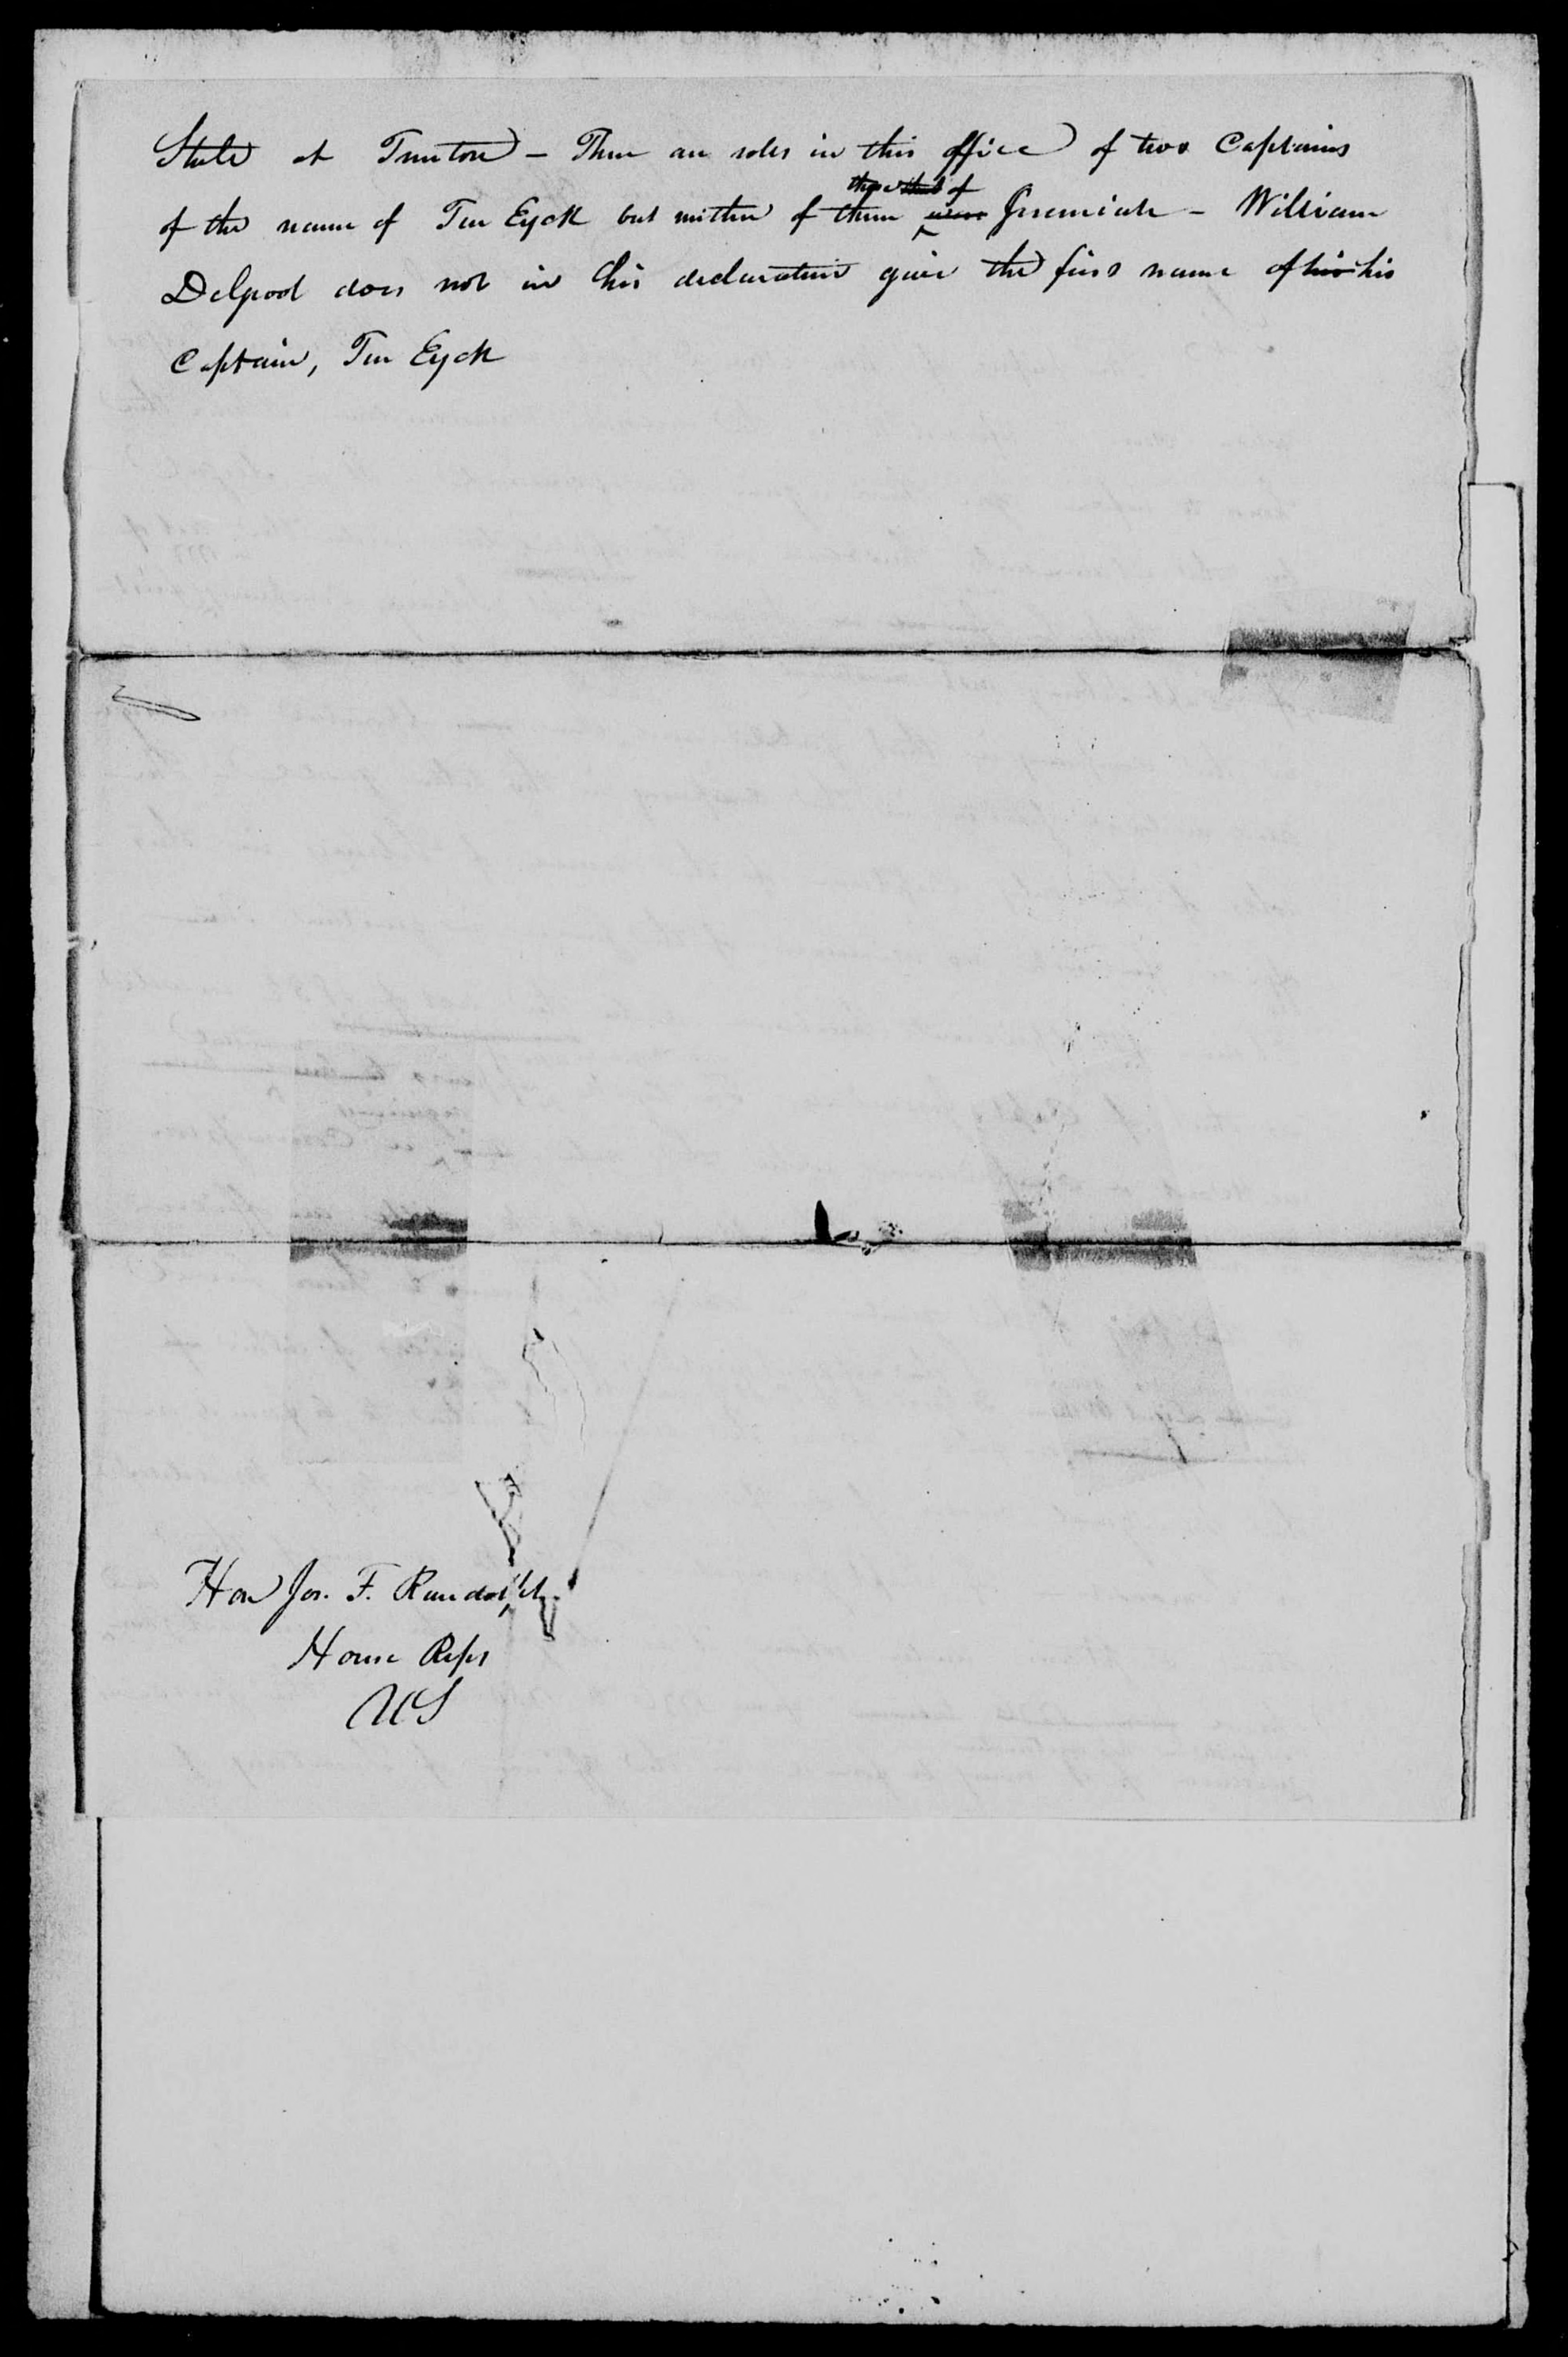State at Trenton - There are rolls in this office of two Captains of the name of Ten Eyck but neither of them the [illegible] of Jeremiah-  William DeGroot does not in his declarations give the first name of his Captain, Ten Eyck


Hon Jos. F. Randolph
House Reps
N.J.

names: Jos F Randolph, Jeremiah, Ten Eyck, Ten Eyck, William De Groot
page: 50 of 77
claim: widow's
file: W. 417, William De Groot, New Jersey